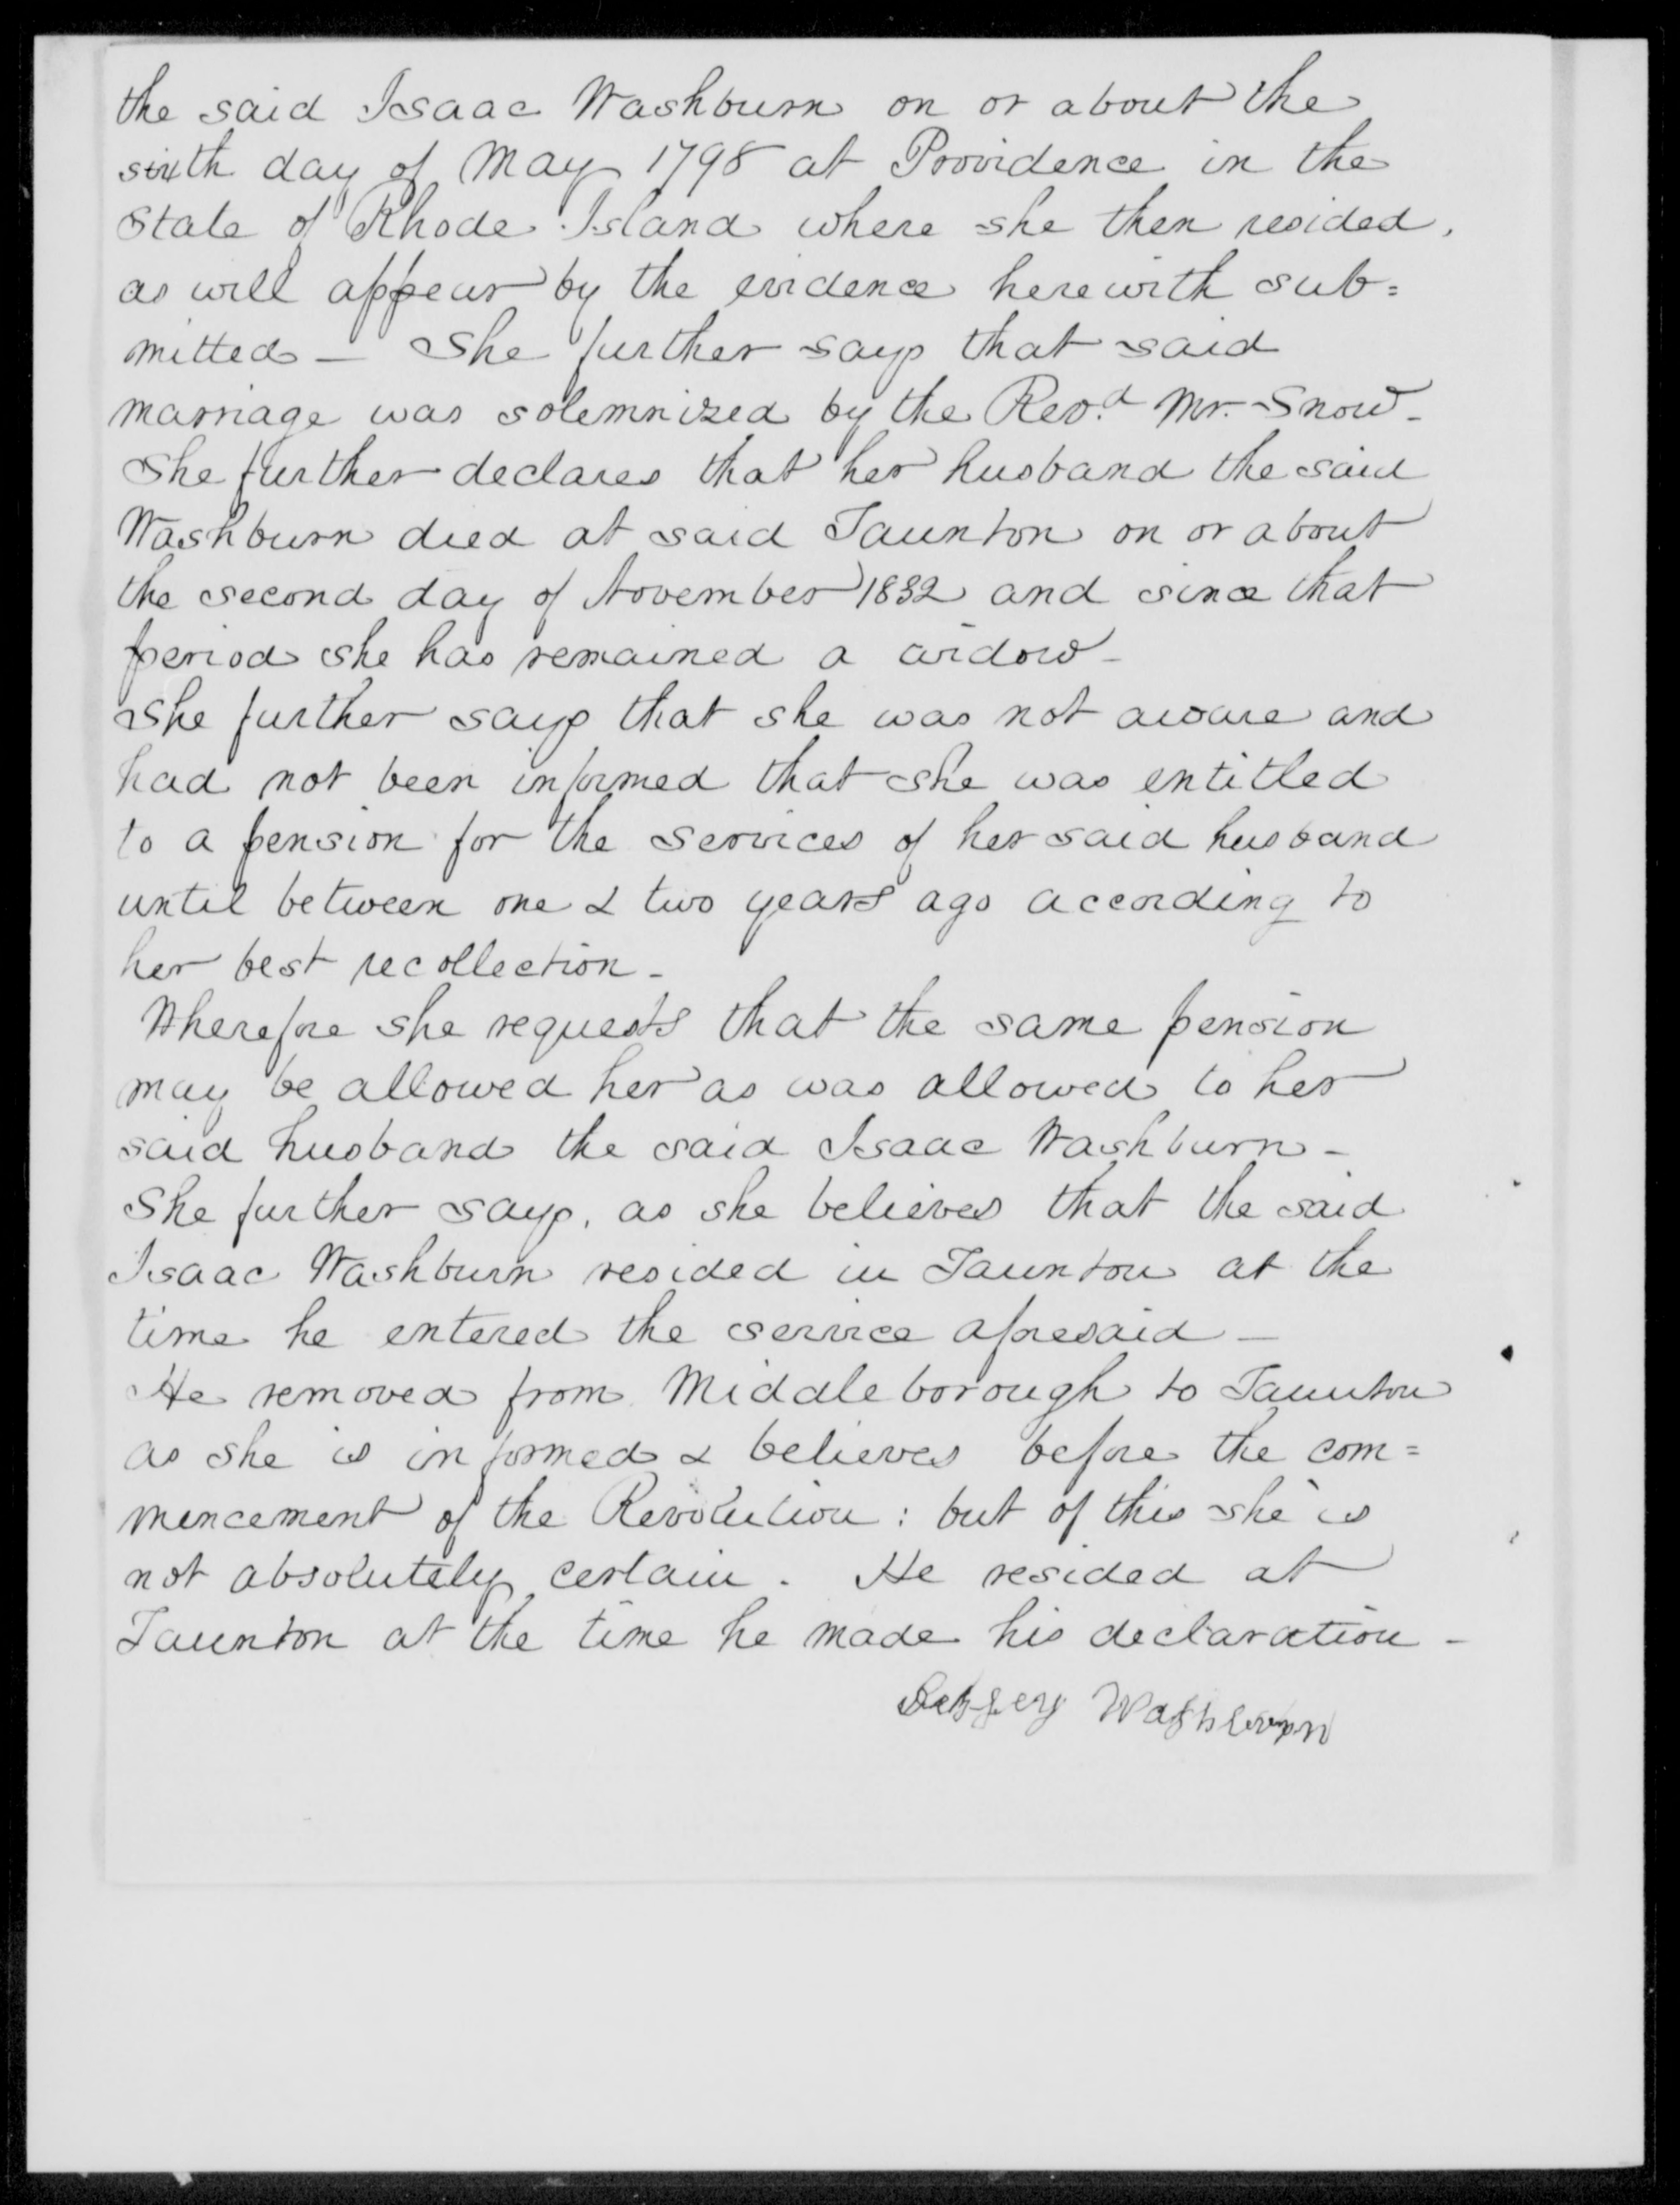the said Isaac Washburn on or about the sixth day of May 1798 at Providence in the State of Rhode Island where she then resided, as will appear by the evidence herewith submitted — She further declares says that said marriage was solemnized by the Revd. Mr. Snow -
She further declares that her husband the said Washburn died at said Taunton on or about the second day of November 1832 and since that period she has remained a widow-
She further declares says that she was not aware and had not been informed that she was entitled to a pension for the services of her said husband until between one & two years ago according to her best recollection.
Therefore she requested that the same pension may be allowed her as was allowed to her said husband the said Isaac Washburn- She further says, as she believes that the said Isaac Washburn resided in Taunton at the time he entered the service aforesaid- 
He removed from Middleborough to Taunton as she is informed & believes before the commencement of the Revolution: but of this she is not absolutely certain- He resided at Taunton at the time he made his declaration -

   Betsey Washburn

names: Betsey Washburn, Isaac Washburn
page: 7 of 34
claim: widow's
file: W. 1677, Isaac Washburn, Mass.